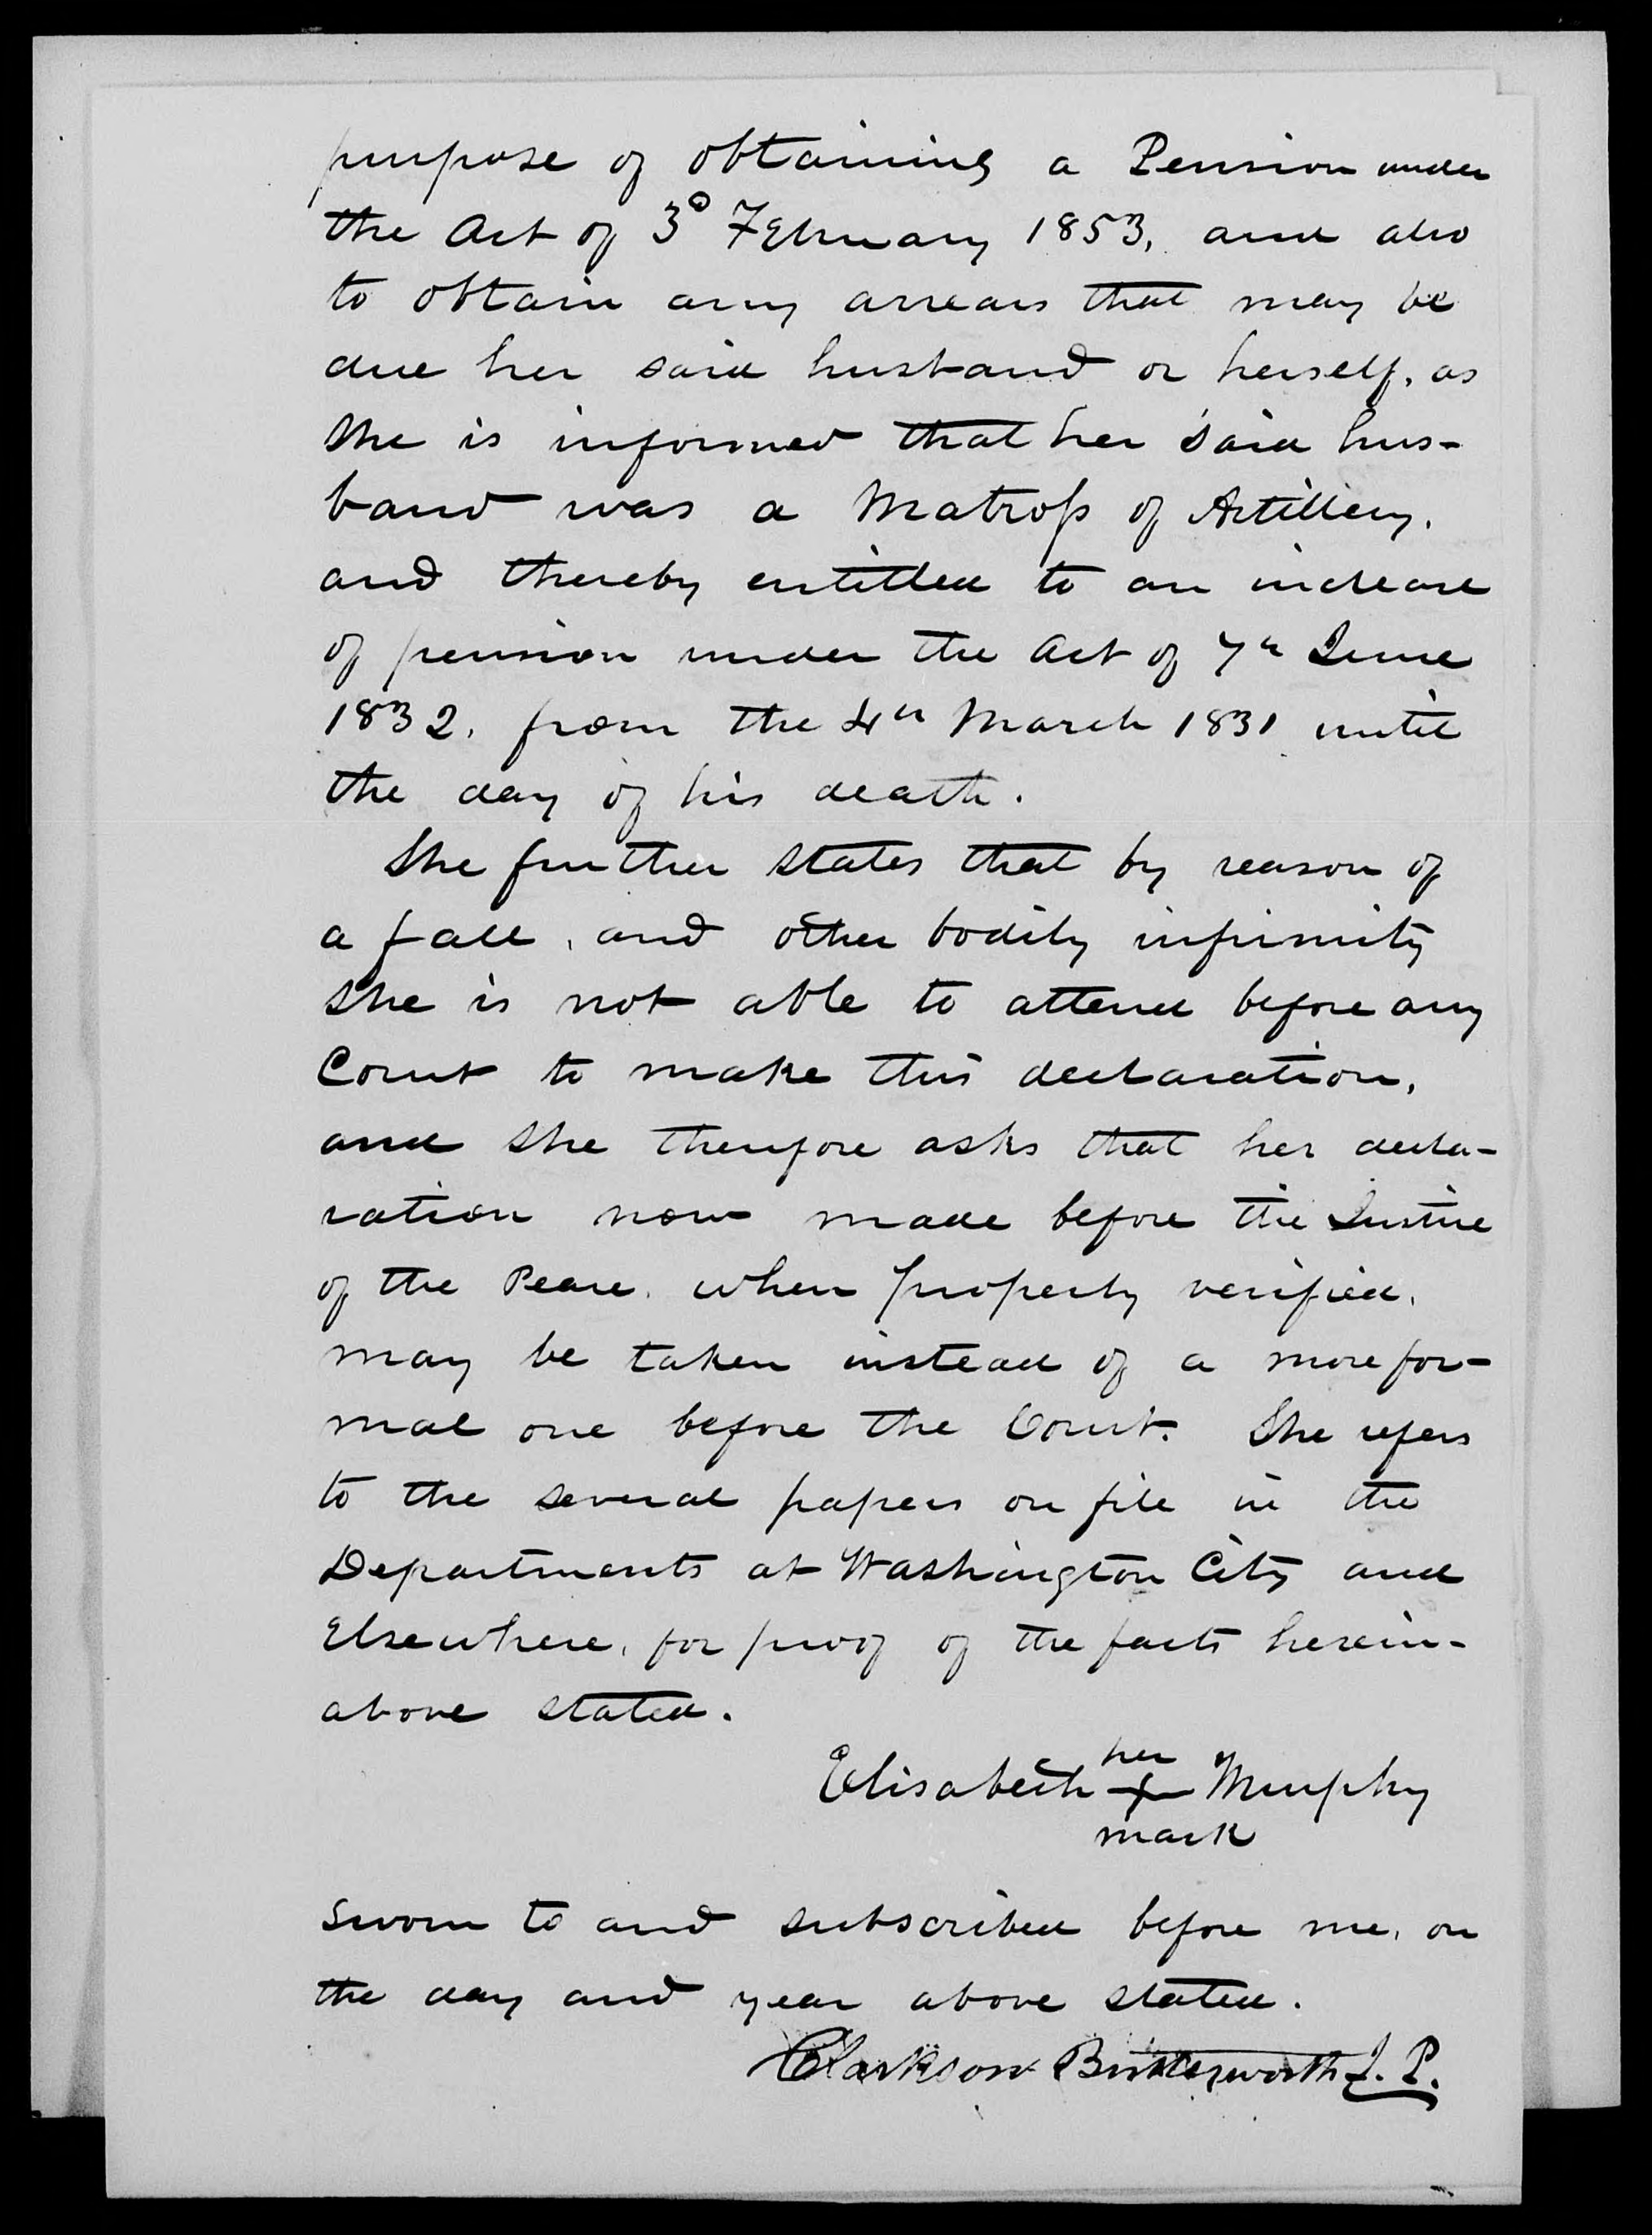purpose of obtaining a Pension under the
act of 3d February 1853, and also
to obtain any arrears that may be
due her said husband or herself, as
she is informed that her said husband 
was a Matross of Artillery,
and thereby entitled to an increase
of pension under the Act of 7th June
1832, from the 4th March 1831 until
the day of his death.

She further states that by reason of
a fall, and other bodily infirmity
she is not able to attend before any
Court to make this declaration,
and she therefore asks that her declaration 
now made before the Justice
of the Peace, when properly verified
may be taken instead of a more formal 
one before the Court. She refers
to the several papers on file in the
Departments at Washington City and
Elsewhere, for proof of the facts hereinabove
stated,

Elizabeth Murphy  X her mark

Sworn to and subscribed before me, on
the day and year above stated.
Clarkson Butterworth J.P. /s/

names: Clarkson Butterworth; Elisabeth Murphy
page: 14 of 57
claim: widow's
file: W. 25,739, for James Murphey, Pennsylvania